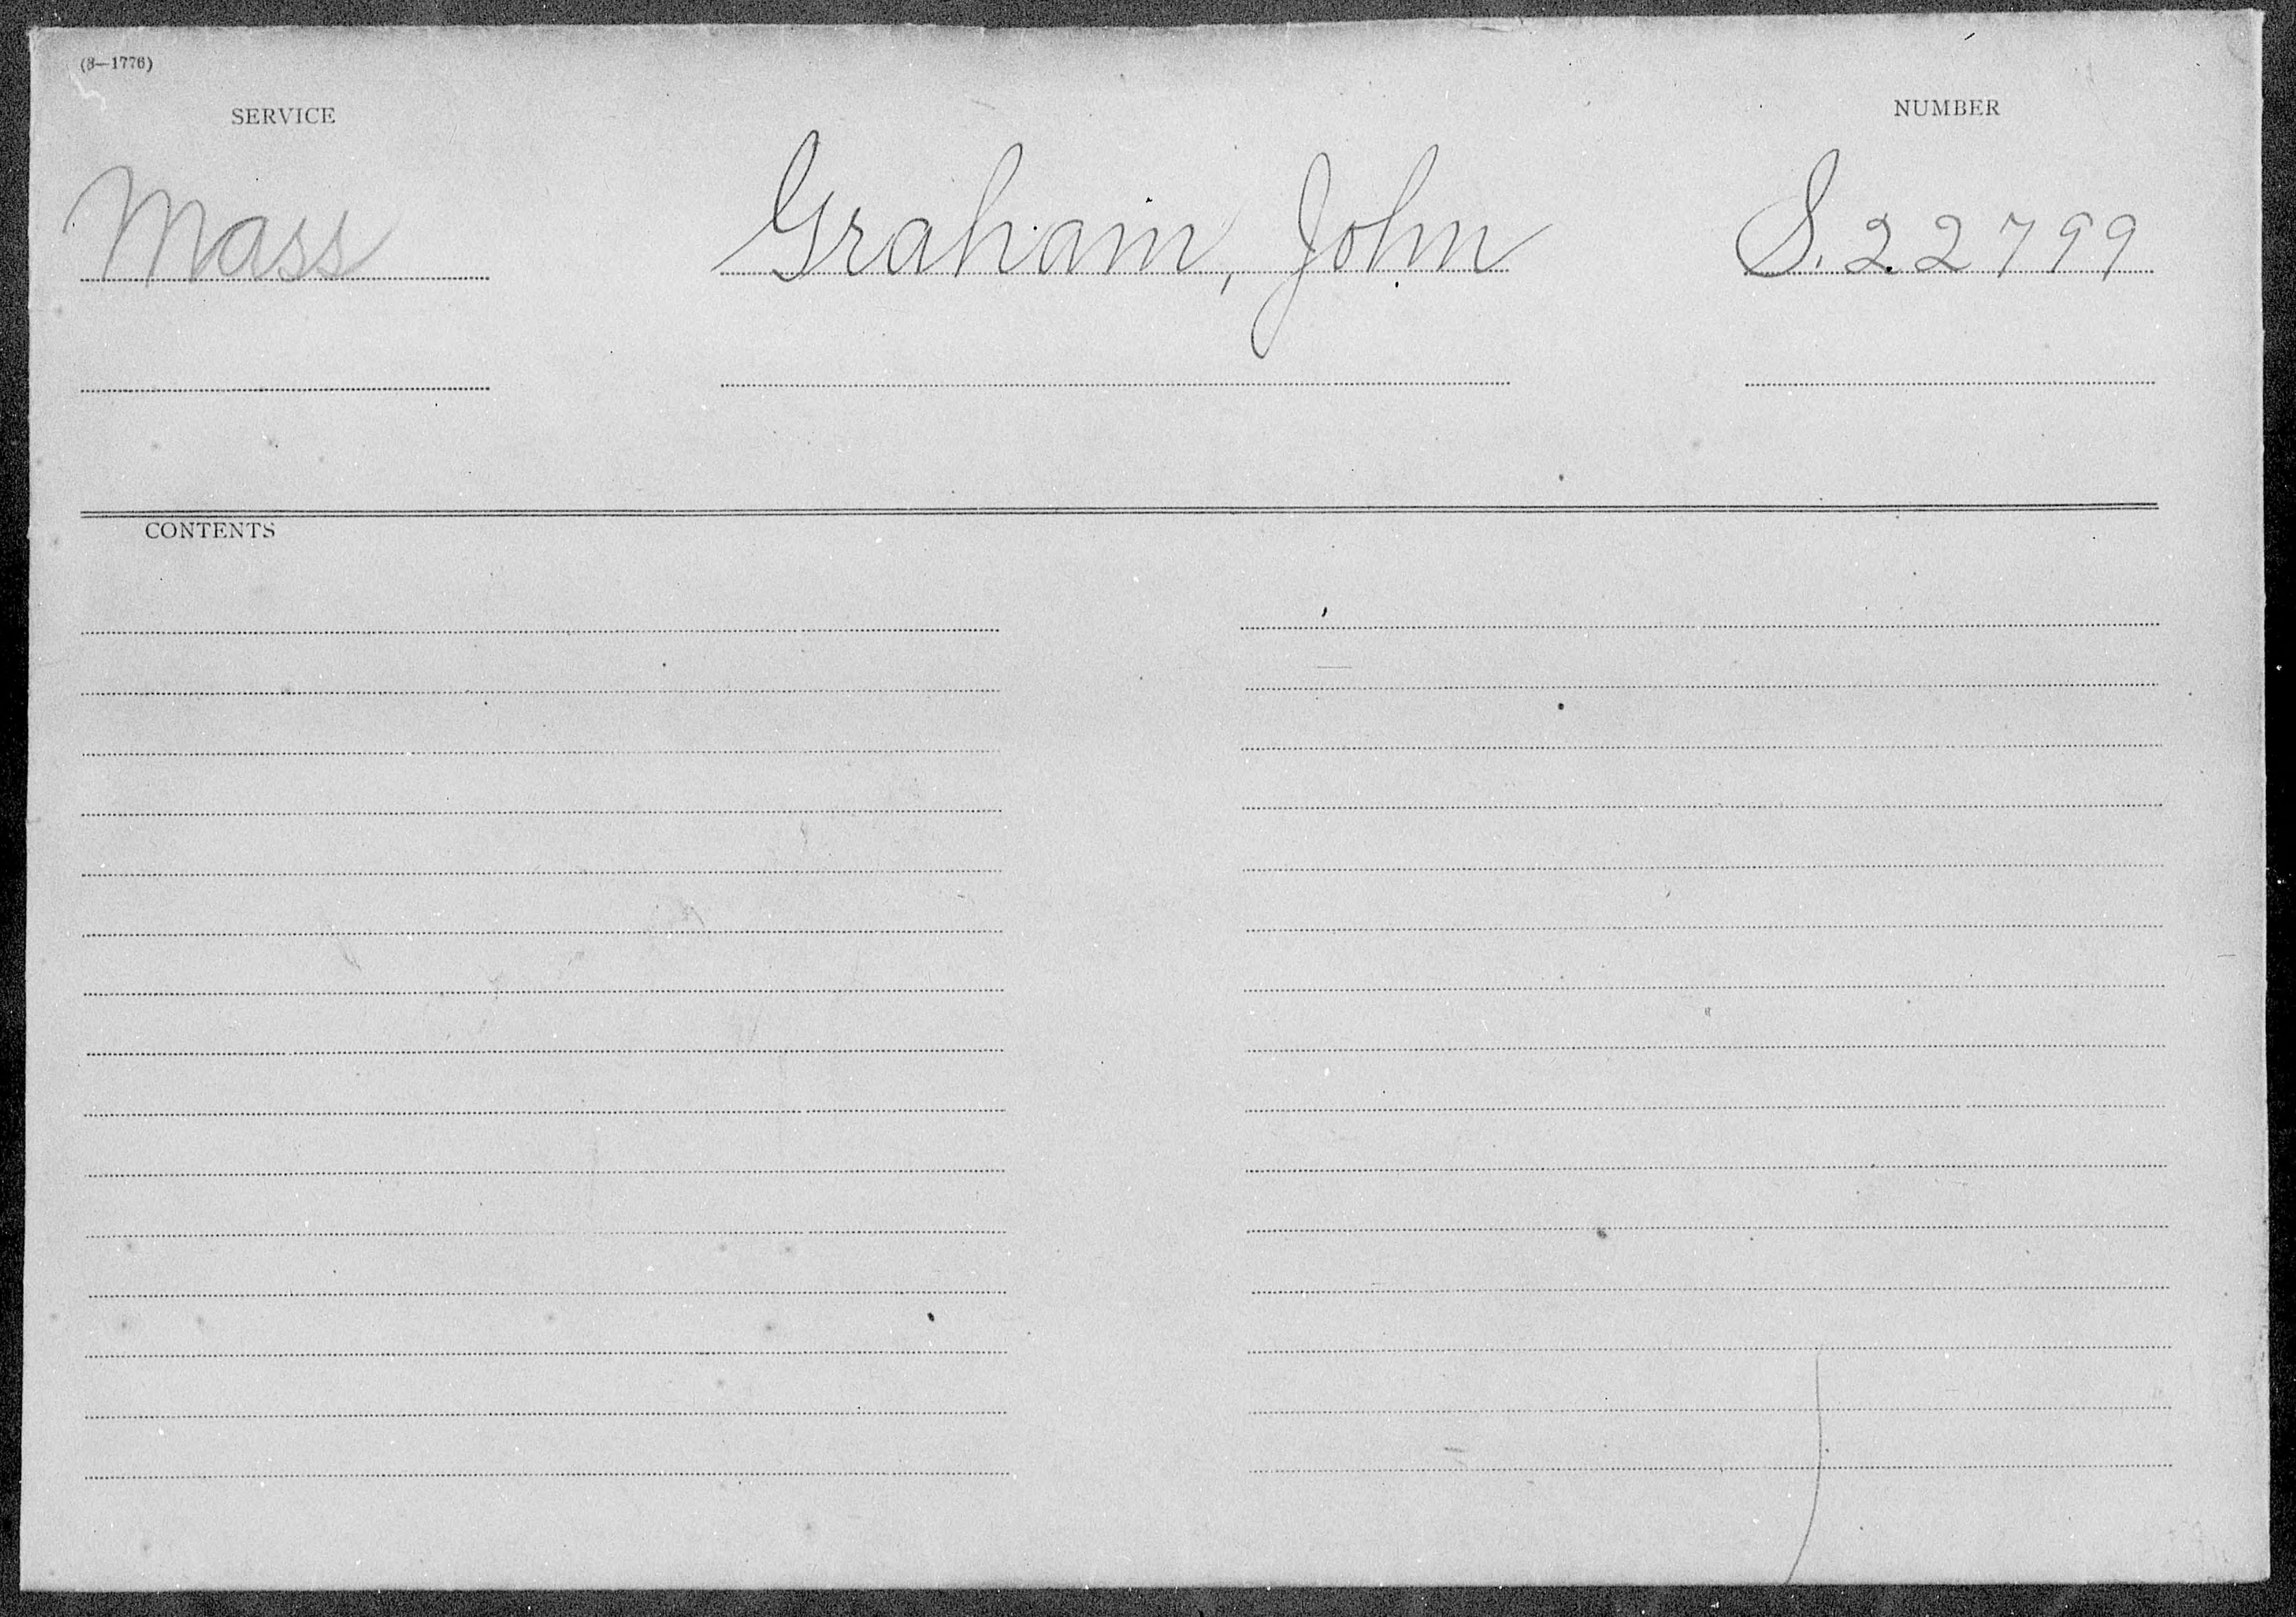(8 - 1776)
SERVICE                             NUMBER
Mass    Graham, John         S. 22799
------------------------------------------
CONTENTS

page: 1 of 28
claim: survivor's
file: S. 22799, John Graham, Mass